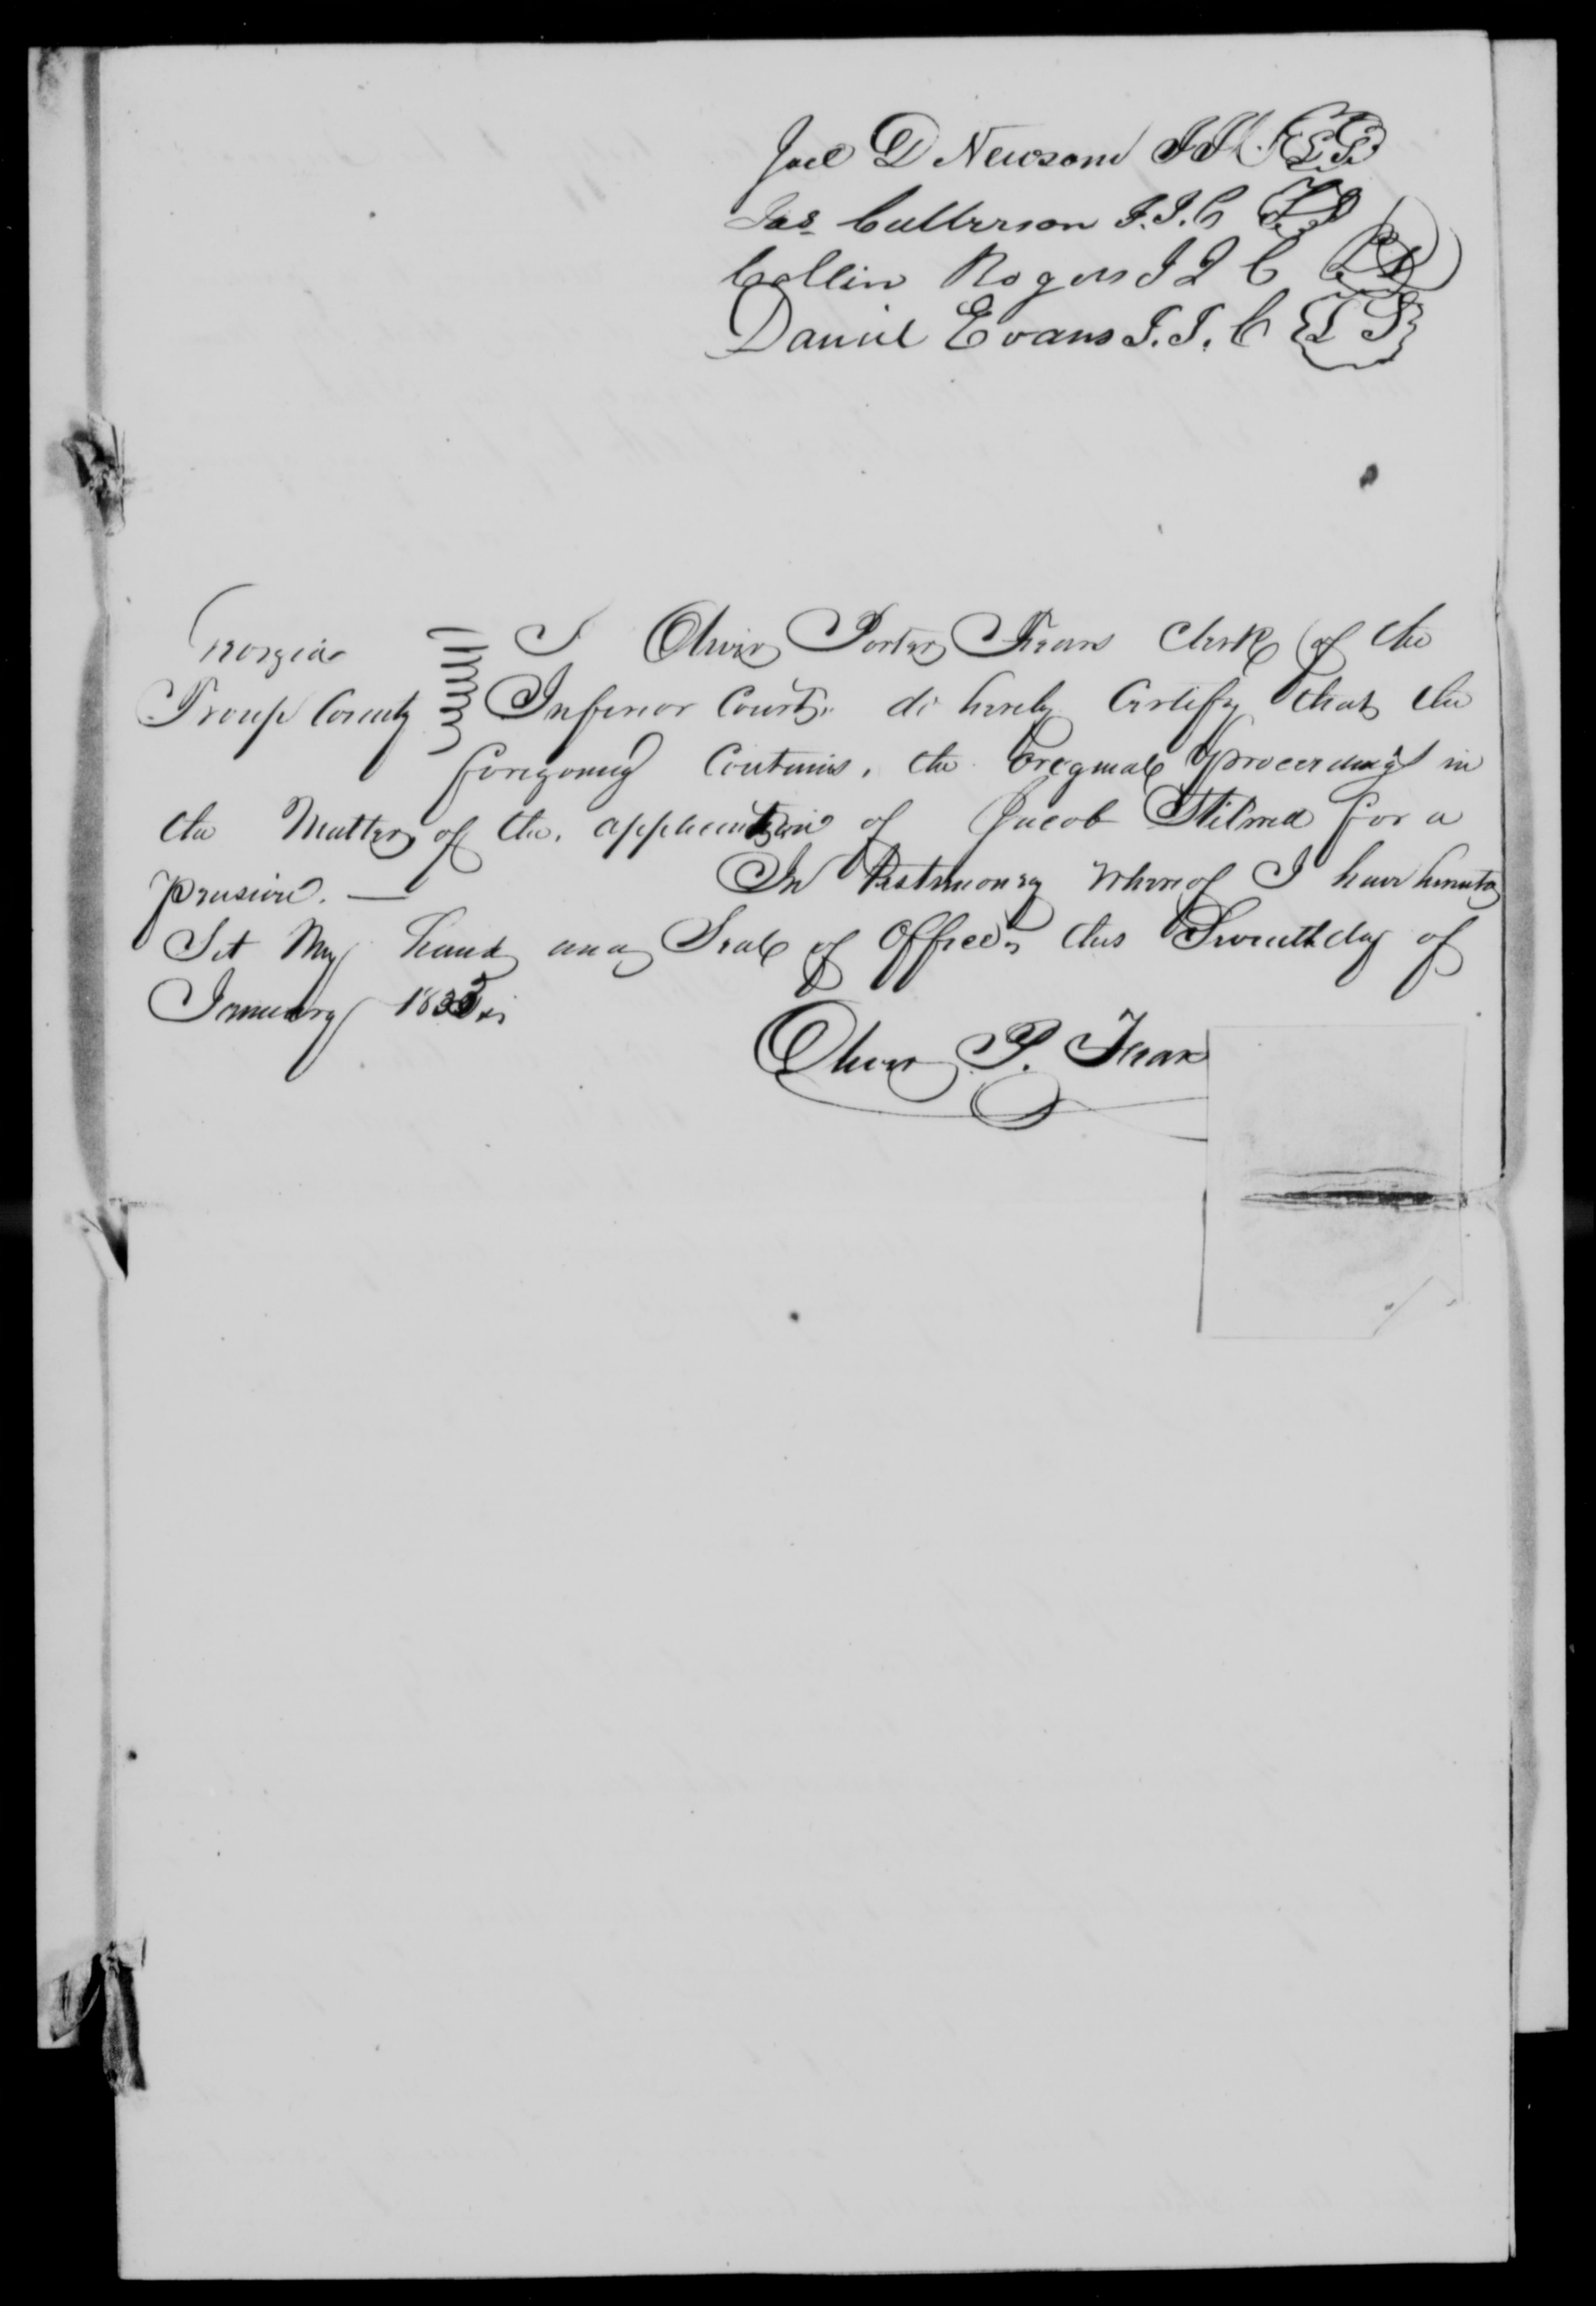Joel D Newsom JJC 
Jas. Culberson J.J.C.
Collin Rogers J J C
Daniel Evans J. J. C.
Georgia
Troup County

Oliver Porter Fears Clerk of the
Inferior Court, do hereby certify that the
foregoing contains the original proceedings in
matter of the application of Jacob Stillwell for a pension
In Testimony whereof I have hereunto set my
hand and Seal of Office this Tenth day of
January 1833 Oliver P. Fears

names: Joel D Newsom; Jacob Stilwell; Oliver Porter Fears; Oliver P Fears; Daniel Evans; Jas Culberson; Collin Rogers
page: 14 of 25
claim: survivor's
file: S. 31,993, for Jacob Stillwell, North Carolina